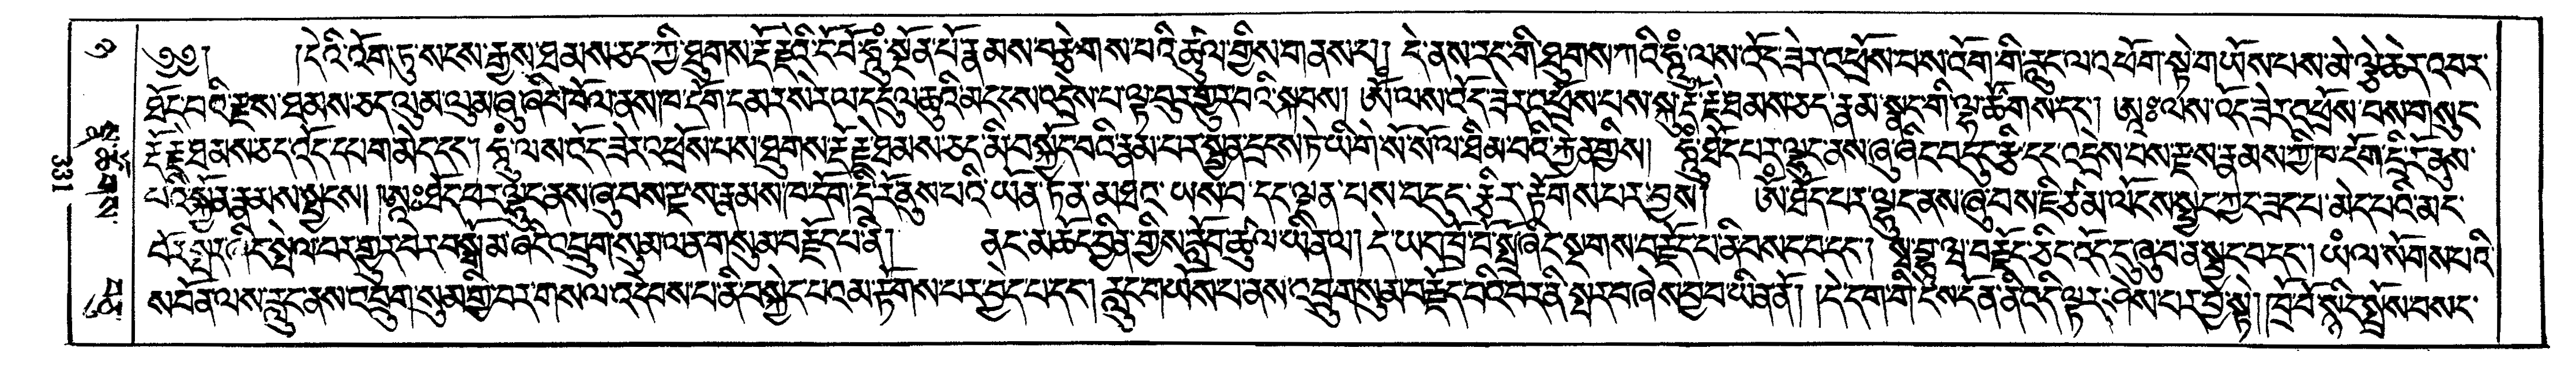༄༅། །དེའི་འོག་ཏུ་སངས་རྒྱས་ཐམས་ཅད་ཀྱི་ཐུགས་རྡོ་རྗེའི་ངོ་བོ་ཧཱུཾ་སྔོན་པོ་རྣམས་བརྩེགས་པའི་ཚུལ་གྱིས་གནས་བ། དེ་ནས་རང་གི་ཐུགས་ཀའི་ཧཱུཾ་ལས་འོད་ཟེར་འཕྲོས་པས་འོག་གི་རླུང་ལ་འཕོག་སྟེ་གཡོས་པས་མེ་ལྕེ་ཆེར་འབར་
ཐོད་པའི་རྫས་ཐམས་ཅད་ལུམ་ལུམ་ཞུ་ཞིང་ཁོལ་ནས་ཁ་དོག་དམར་སེར་ལ་དངུལ་ཆུའི་མངགས་འདྲེས་པ་ལྟ་བུར་གྱུར་པའི་སྐབས། ཨོཾ་ལས་འོད་ཟེར་འཕྲོས་པས་སྐུ་རྡོ་རྗེ་ཐམས་ཅད་རྣམ་སྣང་གི་ལྷ་ཚོགས་དང་། ཨཱཿ ལས་འོད་ཟེར་འཕྲོས་པས་གསུང་
རྡོ་རྗེ་ཐམས་ཅད་འོད་དཔག་མེད་དང་། ཧཱུཾ་ལས་འོད་ཟེར་འཕྲོས་པས་ཐུགས་རྡོ་རྗེ་ཐམས་ཅད་མི་བསྐྱོད་པའི་རྣམ་པར་སྤྱན་དྲངས་ཏེ་ཡི་གེ་སོ་སོ་ལ་ཐིམ་པའི་རྐྱེན་གྱིས། ཧཱུཾ་ཐོད་པར་ལྷུང་ནས་ཞུ་ཞིང་བདུད་རྩི་དང་འདྲེས་པས་རྫས་རྣམས་ཀྱི་ཁ་དོག་དྲི་རོ་ནུས་
པའི་སྐྱོན་རྣམས་སྦྱངས། ཨཱཿ ཐོད་པར་ལྷུང་ནས་ཞུ་བས་རྫས་རྣམས་ཁ་དོག་དྲི་རོ་ནུས་པའི་ཡོན་ཏན་མཐའ་ཡས་བ་དང་ལྡན་པས་བདུད་རྩིར་རྟོགས་བར་བྱས། ཨོཾ་ཐོད་པར་ལྷུང་ནས་ཞུ་བས་ཇི་ཙམ་ལོངས་སྤྱད་ཀྱང་ཟད་པ་མེད་པའི་མང་
པོར་སྤར་ཞིང་སྤེལ་བར་གྱུར་པར་བསྒོམ་ཞིང་འབྲུ་གསུམ་ལན་གསུམ་བརྗོད་པ་ནི། ནང་མཆོད་བྱིན་གྱིས་རློབ་ཚུལ་ཡིན་ལ། དེ་ཡང་ཁྲོ་བོ་སྤྲོ་ཞིང་སྔགས་བརྗོད་པ་ནི་བསང་བ་དང་། སྭ་བྷཱ་ཝ་བརྗོད་ཅིང་འོང་དུ་ཞུ་བ་ནི་སྦྱང་བ་དང་། ཡཾ་ལ་སོགས་བའི་
ས་བོན་ལས་རླུང་ནས་འབྲུ་གསུམ་གྱི་བར་གསལ་འདེབས་པ་ན་བསྐྱེད་པའམ་རྟོགས་པར་བྱེད་པ་དང་། རླུང་གཡོས་པ་ནས་འབྲུ་གསུམ་བརྗོད་བའི་བར་ནིས་སྦར་བ་ཞེས་བྱ་བ་ཡིན་ནོ། །དེ་དག་གི་ངེས་དོན་ནི་འདི་ལྟར་ཤེས་པར་བྱ་སྟེ། ཁྲོ་བོ་སྙིང་སྤྲོས་བསང་